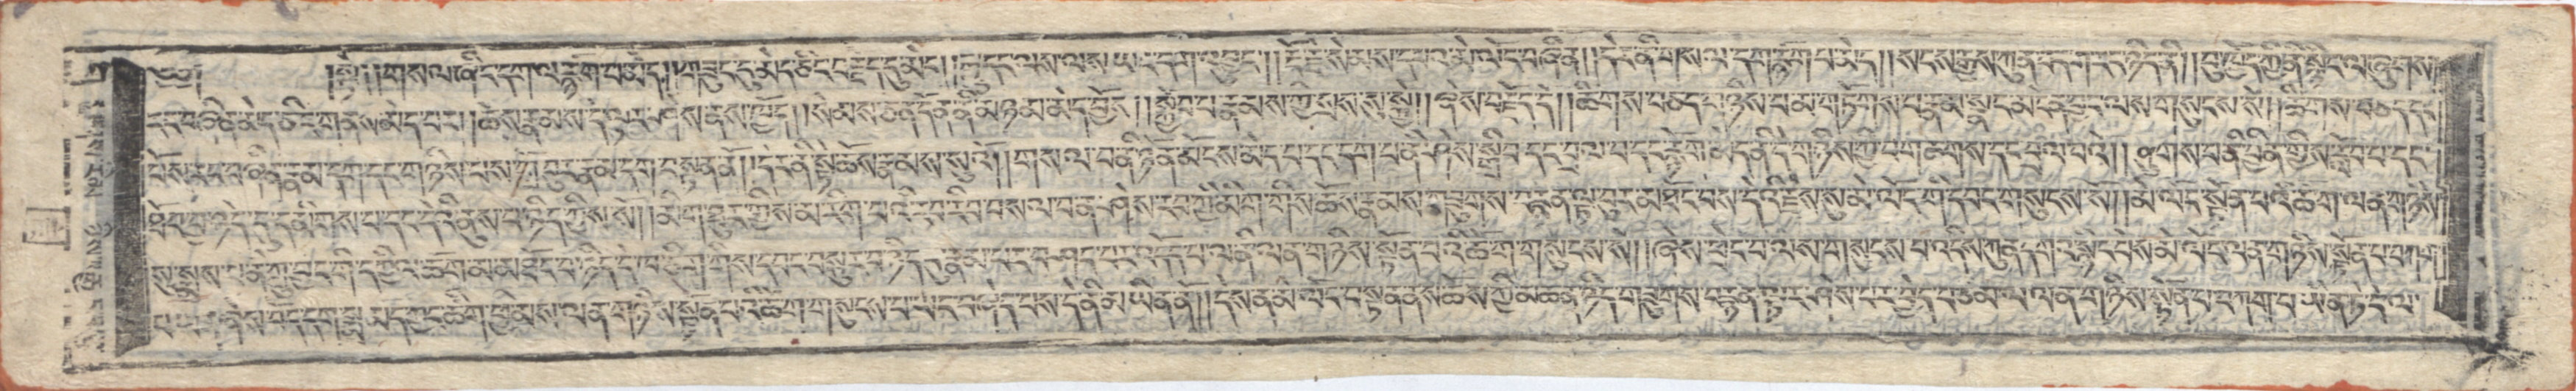༄༅། །སྟེ། །གསལ་ཞིང་དག་ལ་རྙོག་པ་མེད། །གཟུང་དུ་མེད་ཅིང་བརྗོད་དུ་མེད། །རྒྱུ་དང་ལས་ལས་ཡང་དག་འབྱུང་། །རྡོ་རྗེ་སེམས་དཔའ་མེ་ལོང་བཞིན། །དེར་ནི་གསལ་དག་རྙོག་པ་མེད། །སངས་རྒྱས་ཀུན་བདག་རང་ཉིད་ནི། །བུ་ཁྱོད་ཀྱི་ནི་སྙིང་ལ་ཞུགས།
རང་བཞིན་མེད་ཅིང་གནས་མེད་པར། །ཆོས་རྣམས་དེ་ལྟར་ཤེས་ནས་ཁྱོད། །སེམས་ཅན་དོན་ནི་མཉམ་མེད་བྱོས། །སྐྱོབ་པ་རྣམས་ཀྱི་སྲས་སུ་སྐྱེ། །ཞེས་བརྗོད་དོ། །ཚིགས་བཅད་གཉིས་པ་མ་གཏོགས་པ་རྣམ་སྣང་མངོན་བྱང་ལས་གསུངས་སོ། །ཚིགས་བཅད་དང་
པོས་རང་བཞིན་རྣམ་དག་དང་གཉིས་པས་གློ་བུར་རྣམ་དག་བསྟན་ནོ། །དེར་ནི་སྟེ་ཆོས་རྣམས་སུའོ། །གསལ་བ་ནི་ཉོན་མོངས་མེད་པ་དང་དག་པ་ནི་ཤེས་སྒྲིབ་དང་བྲལ་བ་དང་རྙོག་མེད་ནི་དེ་གཉིས་ཀྱི་བག་ཆགས་དང་བྲལ་བའོ། །ཞུགས་པ་ནི་བྱིན་གྱིས་རློབ་པ་དང་
ཐོབ་བྱ་ཉིད་དུ་དམིགས་པ་དང་དེའི་ནུས་པ་ཉིད་ཀྱིས་སོ། །མིག་ཐུར་གྱིས་མ་རིག་པའི་རབ་རིབ་བསལ་བ་ན་ཤེས་རབ་ཀྱི་མིག་གིས་ཆོས་རྣམས་གཟུགས་བརྙན་ལྟ་བུར་མཐོང་བས་དེའི་རྗེས་སུ་མེ་ལོང་གི་དབང་གསུངས་སོ། །མེ་ལོང་སྟོན་པའི་ཆོ་ག་ལན་གཉིས་
སུ་སྨྲས་པ་ནི་ཀླུ་བྱང་གི་དཀྱིལ་ཆོག་མ་མཐོང་བ་ཉིད་དེ་ཁ་ཅིག་གིས་དབང་བསྐུར་བ་ཉིད་དུ་རྣམ་པར་བཤད་པར་འདོད་པ་ལ་ནི་ལན་གཉིས་སྟོན་པའི་ཆོ་ག་གསུངས་སོ། །ཞེས་ཕྲེང་བ་ལས་གསུངས་པ་འདིས་ཀུན་དགའ་སྙིང་པོས་མེ་ལོང་ལན་གཉིས་སྟོན་པ་བཀག་
པ་ཡིན་ཞེས་བོད་དག་སྨྲ་མོད་ཀྱང་ཚིག་ཕྱི་མས་ལན་གཉིས་སྟོན་པའི་ཆོ་ག་གསུངས་པ་ཡང་བཞེད་པས་དེ་ནི་མ་ཡིན་ནོ། །དེས་ན་མེ་ལོང་བསྟན་ནས་ཆོས་ཀྱི་མཚན་ཉིད་གཟུགས་བརྙན་ལྟར་ཤེས་པར་བྱེད་པ་ཙམ་ལ་ལན་གཉིས་སྟོན་པ་བཀག་པ་ཡིན་ཏེ་དེ་ལ་